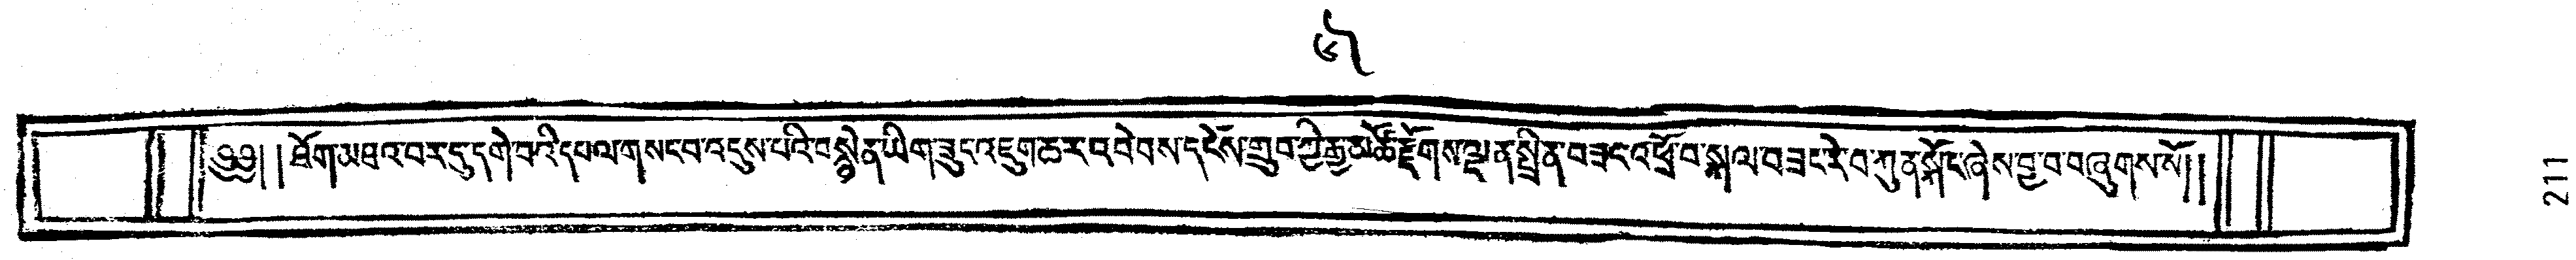༄༅། །ཐོག་མཐའ་བར་དུ་དགེ་བའི་དཔལ་གསང་བ་འདུས་པའི་བསྙེན་ཡིག་ཟུང་འཇུག་ཆར་འབེབས་དངོས་གྲུབ་ཀྱི་རྒྱ་མཚོ་རྫོགས་ལྡན་སྤྲིན་བཟང་འཕྲོ་བ་སྐལ་བཟང་རེ་བ་ཀུན་སྐོང་ཞེས་བྱ་བ་བཞུགས་སོ།།